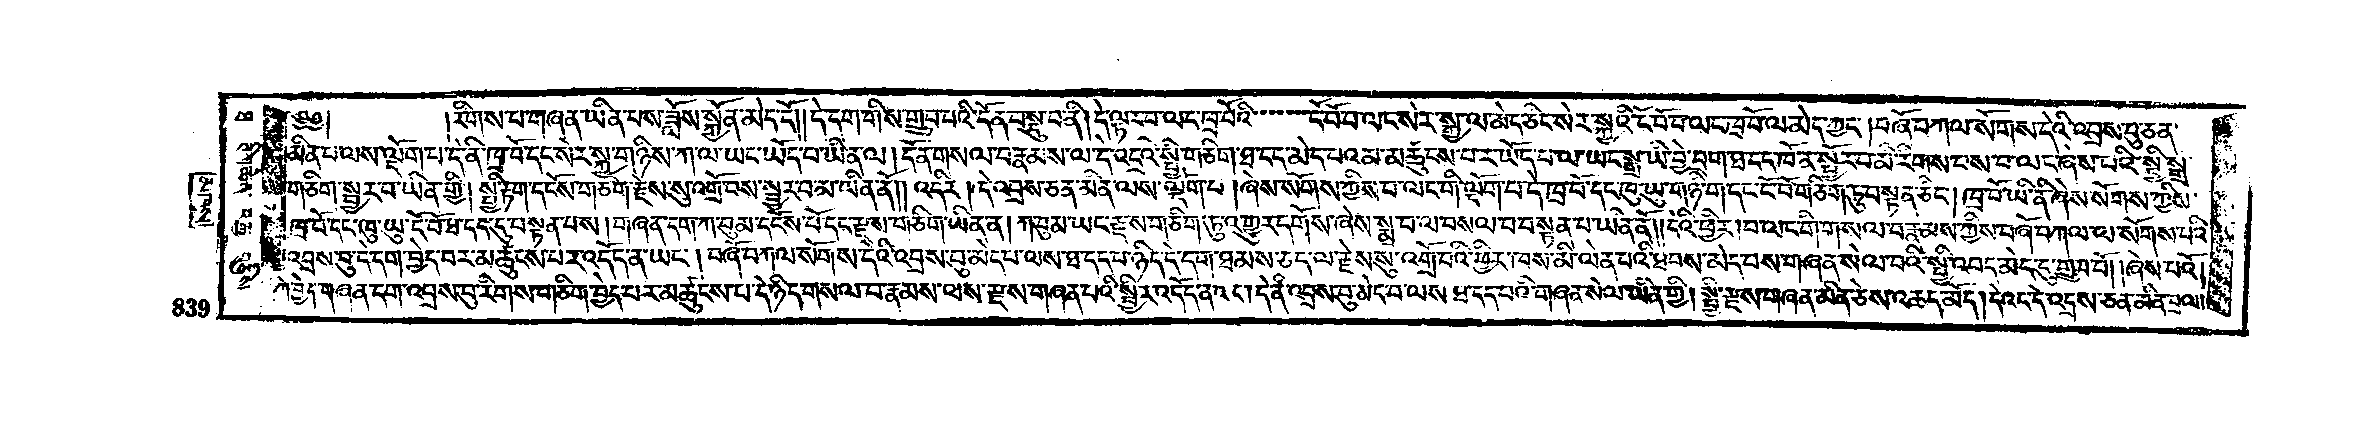༄༅། །རིགས་པ་གཞན་ཡིན་པས་ཟློས་སྐྱོན་མེད་དོ། །དེ་དག་གིས་གྲུབ་པའི་དོན་བསྡུ་བ་ནི། དེ་ལྟར་བ་ལང་ཁྲ་བོའི་ངོ་བོ་བ་ལང་སེར་སྐྱ་ལ་མེད་ཅིང་སེར་སྐྱའི་ངོ་བོ་བ་ལང་ཁྲ་བོ་ལ་མེད་ཀྱང་། བཞོ་བཀལ་སོགས་དེའི་འབྲས་བུ་ཅན་
མིན་པ་ལས་ལྡོག་པ་དེ་ནི་ཁྲ་བོ་དང་སེར་སྐྱ་གཉིས་ཀ་ལ་ཡང་ཡོད་པ་ཡིན་ལ། དོན་གསལ་བ་རྣམས་ལ་དེ་འདྲའི་སྤྱི་གཅིག་ཐ་དད་མེད་པའམ་མཚུངས་པར་ཡོད་པ་ལ་ཡང་སྒྲ་ཡི་བྱེ་བྲག་ཐ་དད་ཁོ་ན་སྦྱོར་བ་མི་རིགས་པས་བ་ལང་ཞེས་པའི་སྤྱི་སྒྲ་
གཅིག་སྦྱར་བ་ཡིན་གྱི། སྤྱི་རྟག་དངོས་གཅིག་རྗེས་སུ་འགྲོ་བས་སྦྱར་བ་མ་ཡིན་ནོ། །འདིར། དེ་འབྲས་ཅན་མིན་ལས་ལྡོག་པ། ཞེས་སོགས་ཀྱིས་བ་ལང་གི་ལྡོག་པ་དེ་ཁྲ་བོ་དང་ཁུ་ཡུ་གཉི་ག་དང་ངོ་བོ་གཅིག་ཏུ་བསྟན་ཅིང་། ཁྲ་བོ་ཡི་ནི་ཞེས་སོགས་ཀྱིས་
ཁྲ་བོ་དང་ཁུ་ཡུ་ངོ་བོ་ཐ་དད་དུ་བསྟན་པས། གཞན་དག་ཀ་བུམ་དངོས་པོ་དང་རྫས་གཅིག་ཡིན་ན། ཀ་བུམ་ཡང་རྫས་གཅིག་ཏུ་འགྱུར་དགོས་ཞེས་སྨྲ་བ་ལ་བསལ་བ་བསྟན་པ་ཡིན་ནོ། །དེའི་ཕྱིར། བ་ལང་གི་གསལ་བ་རྣམས་ཀྱིས་བཞོ་བཀལ་ལ་སོགས་པའི་
འབྲས་བུ་དེ་དག་བྱེད་བར་མཚུངས་པར་འདོད་ན་ཡང་། བཞོ་བཀལ་སོགས་དེའི་འབྲས་བུ་མེད་པ་ལས་ཐ་དད་པ་ཉིད་དེ་དག་ཐམས་ཅད་ལ་རྗེས་སུ་འགྲོ་བའི་ཕྱིར་ཁས་མི་ལེན་པའི་ཐབས་མེད་པས་གཞན་སེལ་བའི་སྤྱི་འབད་མེད་དུ་གྲུབ་པོ། །ཞེས་པའོ།
ཀེ་བྱེད་གཞན་དག་འབྲས་བུ་རིགས་གཅིག་བྱེད་པར་མཚུངས་པ་དེ་ཉིད་གསལ་བ་རྣམས་ལས་རྫས་གཞན་པའི་སྤྱིར་འདོད་ནའང་། དེ་ནི་འབྲས་བུ་མེད་པ་ལས་ཐ་དད་པའི་གཞན་སེལ་ཡིན་གྱི། སྤྱི་རྫས་གཞན་མིན་ཅེས་འཆད་མོད། དེའང་དེ་འདྲས་ཅན་མིན་བྲལ།